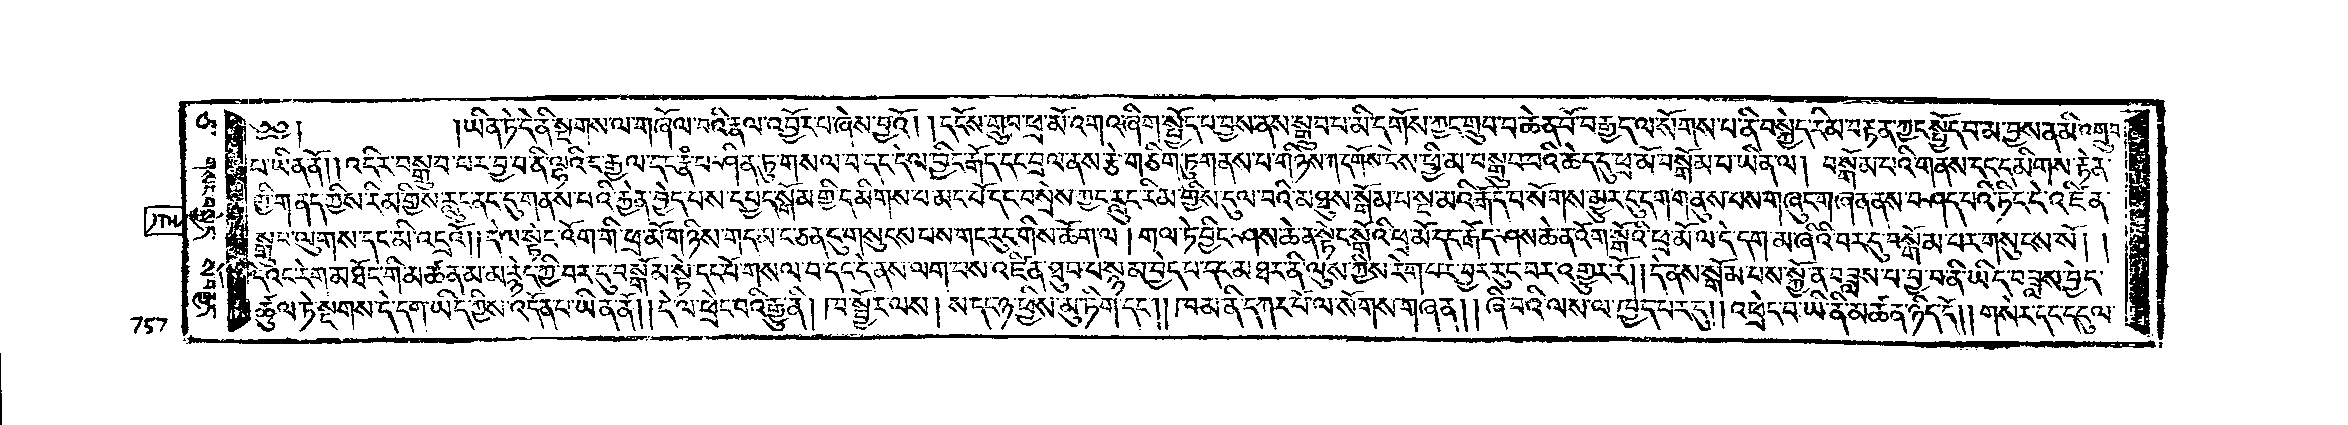༄༅། །ཡིན་ཏེ་དེ་ནི་སྔགས་ལ་གཞོལ་བའི་རྣལ་འབྱོར་པ་ཞེས་བྱའོ། །དངོས་གྲུབ་ཕྲ་མོ་འགའ་ཞིག་སྤྱོད་པ་བྱས་ནས་སྒྲུབ་པ་མི་དགོས་ཀྱང་གྲུབ་པ་ཆེན་པོ་བརྒྱད་ལ་སོགས་པ་ནི་བསྐྱེད་རིམ་བརྟན་ཀྱང་སྤྱོད་པ་མ་བྱས་ན་མི་འགྲུབ་
པ་ཡིན་ནོ། །འདིར་བསྒྲུབ་པར་བྱ་བ་ནི་ལྷའི་ང་རྒྱལ་དང་རྣམ་པ་ཤིན་ཏུ་གསལ་བ་དང་དེ་ལ་བྱིང་རྒོད་དང་བྲལ་ནས་རྩེ་གཅིག་ཏུ་གནས་པ་གཉིས་ཀ་དགོས་པས་ཕྱི་མ་བསྒྲུབ་པའི་ཆེད་དུ་ཕྲ་མོ་བསྒོམ་པ་ཡིན་ལ། བསྒོམ་པའི་གནས་དང་དམིགས་རྟེན་
གྱི་གནད་ཀྱིས་རིམ་གྱིས་རླུང་ནང་དུ་གནས་པའི་རྐྱེན་བྱེད་པས་དཔྱད་སྒོམ་གྱི་དམིགས་པ་མང་པོ་དང་བསྲེས་ཀྱང་རླུང་རིམ་གྱིས་དུལ་བའི་མཐུས་སྒོམ་པ་སྔ་མའི་རྒོད་པ་སོགས་མྱུར་དུ་དགག་ནུས་པས་གཞུང་གཞན་ནས་བཤད་པའི་ཏིང་ངེ་འཛིན་
སྒྲུབ་ལུགས་དང་མི་འདྲའོ། །དེ་ལ་སྟེང་འོག་གི་ཕྲ་མོ་གཉིས་གདམ་ང་ཅན་དུ་གསུངས་པས་གང་རུང་གིས་ཆོག་ལ། གལ་ཏེ་བྱིང་ཤས་ཆེ་ན་སྟེང་སྒོའི་ཕྲ་མོ་དང་རྒོད་ཤས་ཆེ་ན་འོག་སྒོའི་ཕྲ་མོ་ལ་དེ་དག་མ་ཞིའི་བར་དུ་བསྒོམ་པར་གསུངས་སོ། །
དེའང་རེག་མཐོང་གི་མཚན་མ་མ་རྙེད་ཀྱི་བར་དུ་བསྒོམ་སྟེ་དང་པོ་གསལ་བ་དང་དེ་ནས་ལག་པས་འཛིན་ཐུབ་པ་སྙམ་བྱེད་པ་དང་མཐར་ནི་ལུས་ཀྱིས་རེག་པར་བྱར་རུང་བར་འགྱུར་རོ། །དེ་ནས་སྒོམ་པས་སྐྱོ་ན་བཟླས་པ་བྱ་བ་ནི་ཡིད་བཟླས་བྱེད་
ཚུལ་ཏེ་སྔགས་དེ་དག་ཡིད་ཀྱིས་འདོན་པ་ཡིན་ནོ། །དེ་ལ་ཕྲེང་བའི་རྒྱུ་ནི། ཁ་སྦྱོར་ལས། ས་དང་ཉ་ཕྱིས་མུ་ཏིག་དང་། །ཁམ་ནི་དཀར་པོ་ལ་སོགས་གཞན། །ཞི་བའི་ལས་ལ་ཁྱད་པར་དུ། །འཕྲེང་བ་ཡི་ནི་མཚན་ཉིད་དོ། །གསེར་དང་དངུལ་